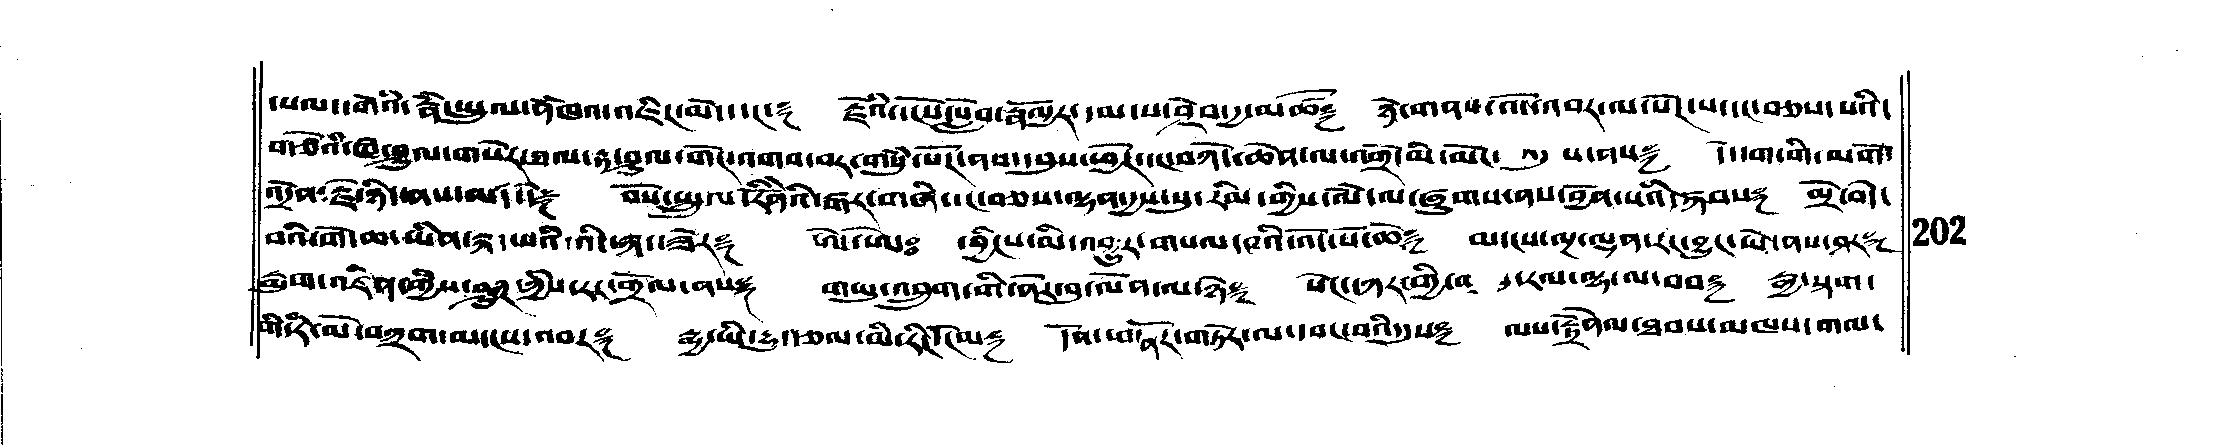དཔལ་དགེའི་རྣམ་སྤྲུལ་ནམ་མཁའ་འཇིགས་མེད་དང་། རྗེའི་དངོས་སློབ་རྣལ་འབྱོར་དམ་པ་ཤེས་རབ་རྒྱ་མཚོ། ཉེ་གནས་འོད་འབར་ལ་སོགས་པ་དང་བཅས་པའི་
གཙོའི་ཝ་ཤུལ་གསེར་ཐལ་རྟ་ཤུལ་གོང་འགབ་བར་གསུམ་སོགས་ནས་དབུས་ཕྱོགས་དང་བཀོད་ཆེན་ལ་འགྲོ་མི་མང་པོ་འདུས་ནས།དེ་དག་གི་མགོ་
འདྲེན་རྗེ་ཉིད་ནས་མཛད་དོ། བསོ་སྤྲུལ་རིན་པོ་ཆེའི་སྒར་གཞི་དང་བཅས་ལྷན་རྒྱས་སུ་རིམ་གྱིས་ལམ་ལ་ཞུགས་ནས་བྱོན་པའི་སྐབས། མཁའ་འགྲོ་བདེ་
བའི་གོ་ཆ་ཡིན་སྐད་པའི་འདི་སྐད་ཟེར། ཨེ་ཨེཿ དབྱིངས་མི་འགྱུར་གསལ་བའི་འོད་པོ་ཆེ། །མདངས་ལྔ་ལྡན་རང་བྱུང་ཡེ་ནས་ཤར། །
རྨུག་འཛིན་གྱིས་ཤུགས་ཀྱིས་རང་གྲོལ་ནས། །གཡུ་འབྲུག་གི་ནོར་བུ་ལོན་ལ་ཉེ། །སེང་དཀར་གྱི་གཡུ་རལ་ལྷ་ལ་བབ། །རྒྱ་སྟག་
གི་རི་མོ་བཀྲག་མདངས་འབར། །རྨ་བྱ་ཡི་རྒྱུ་རྩལ་མི་རིང་ངོམ། །དོན་ཕ་ནོར་གཏེར་ལ་དབང་བའི་དུས། །ལས་རྟེན་འབྲེལ་ཐབས་མཁས་གལ་